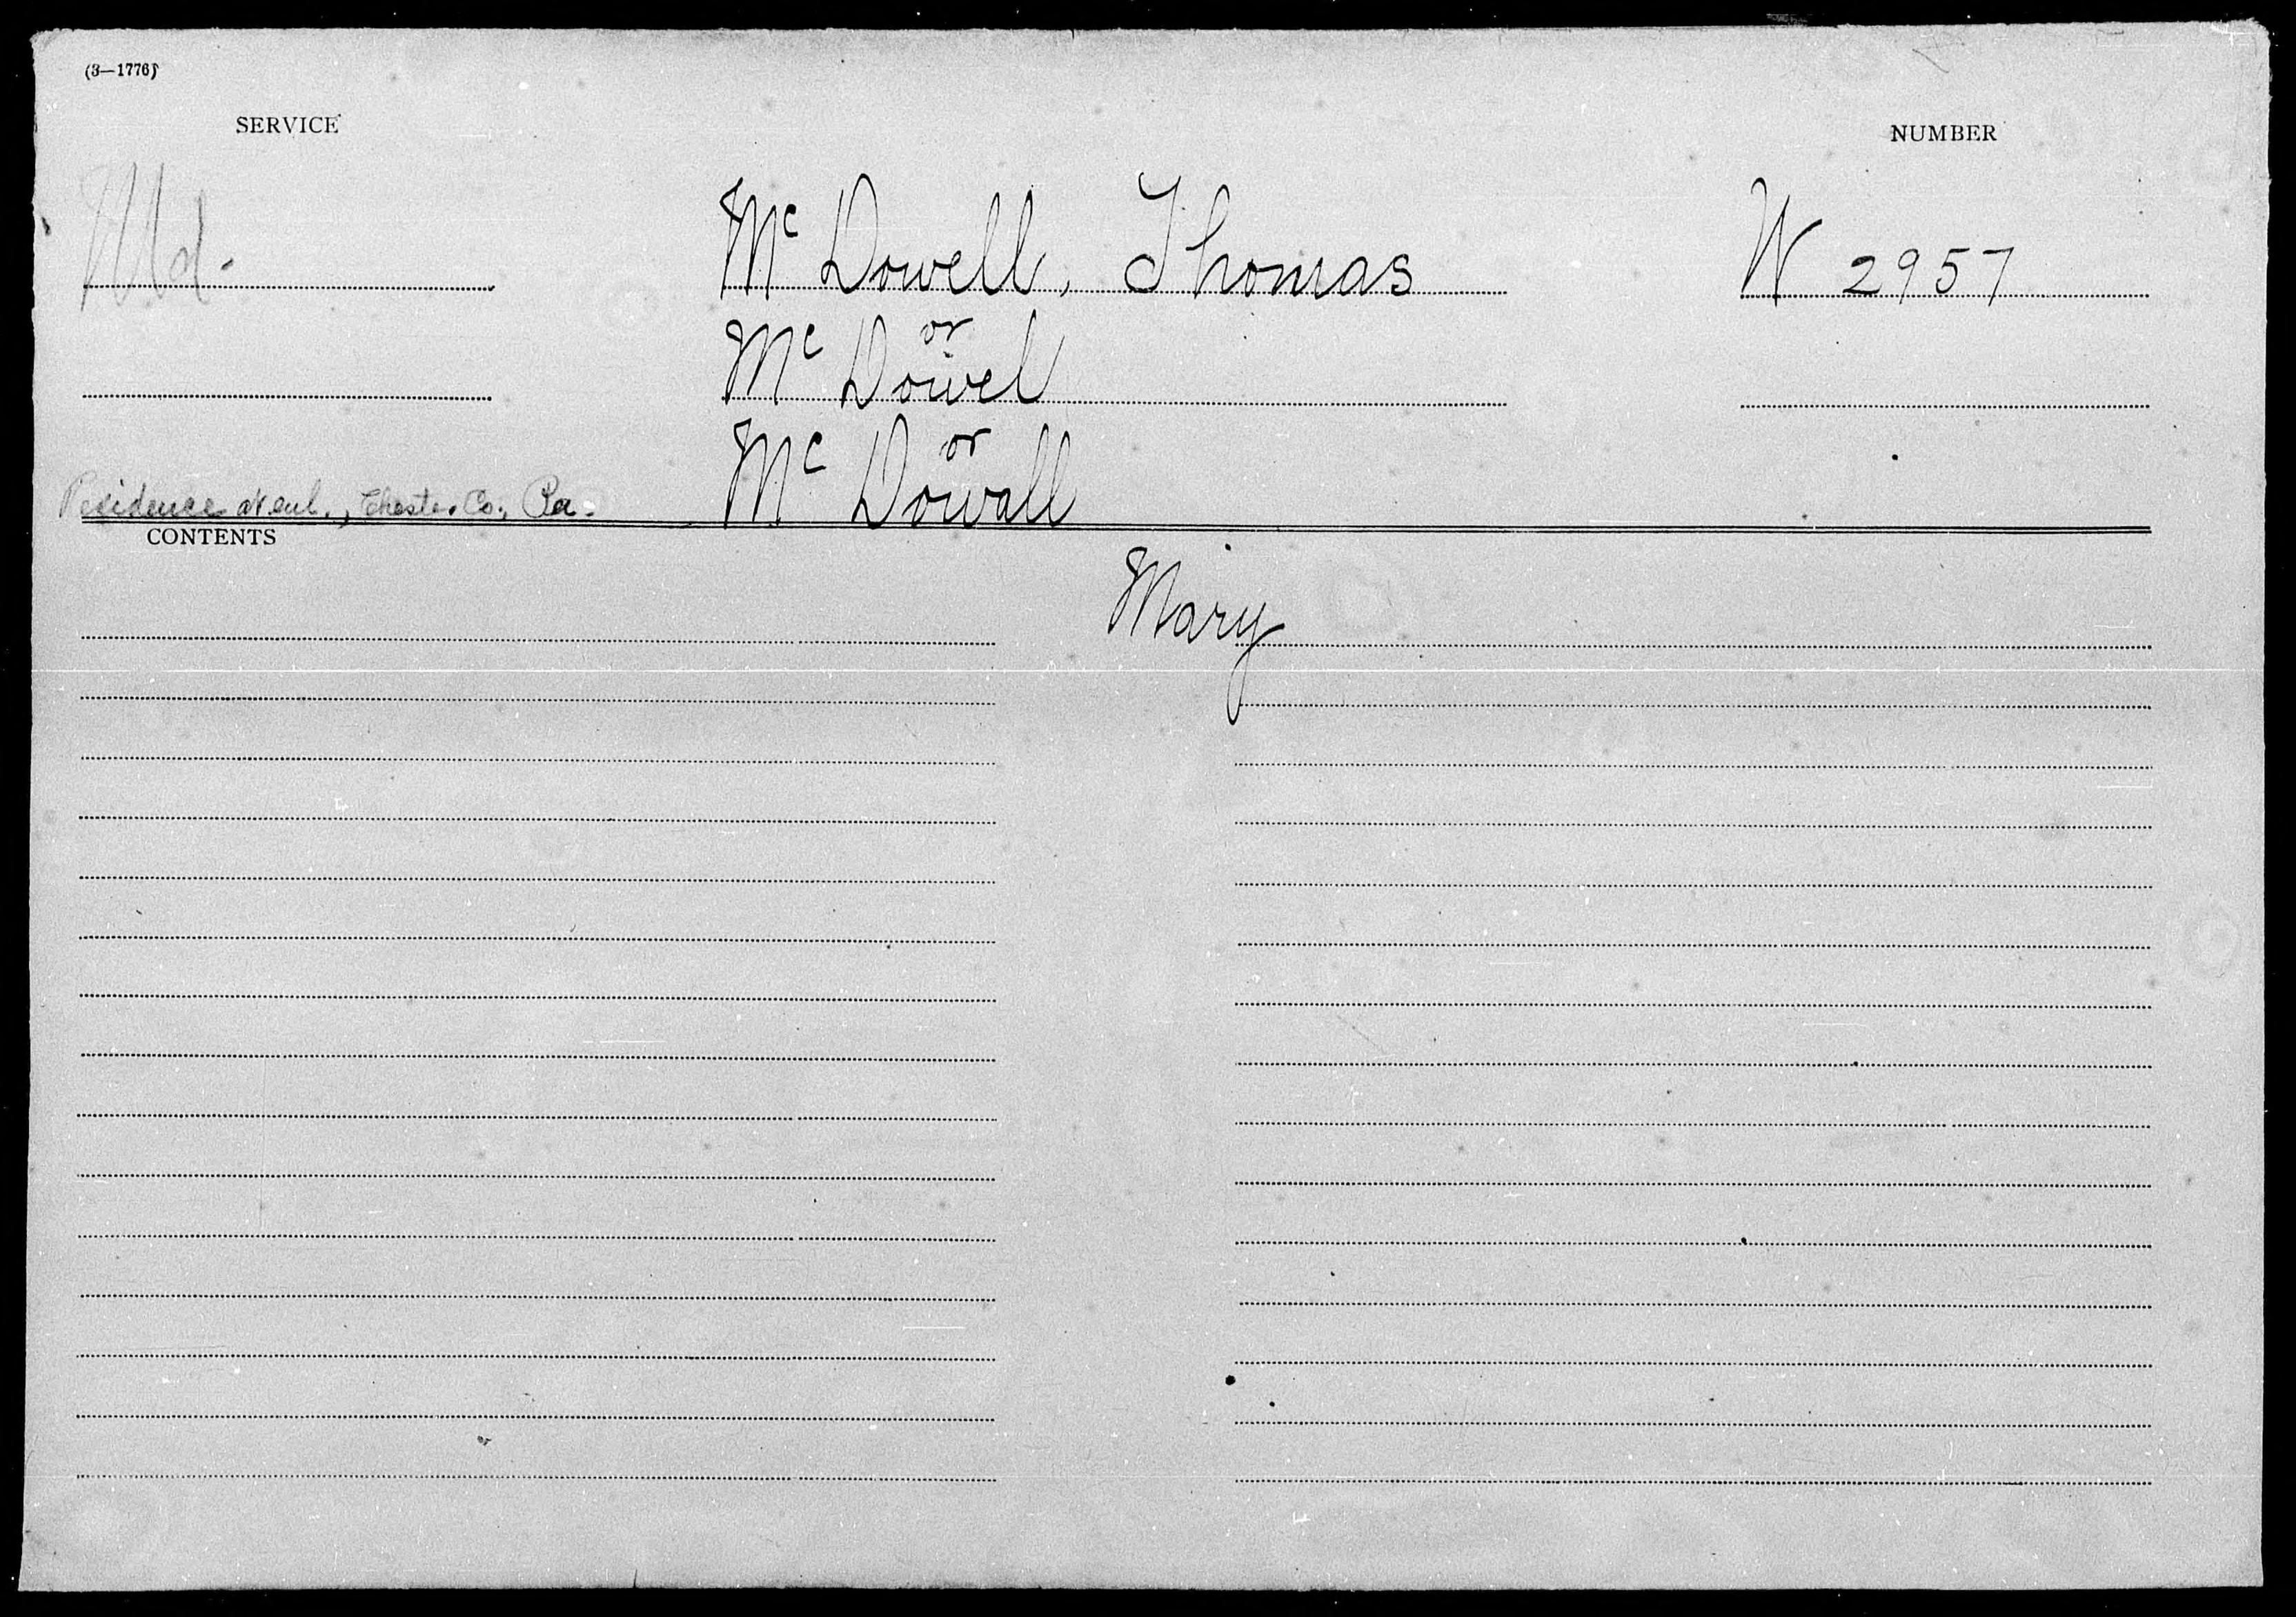Md. 
Me Dowell, Thomas
Me Dowell 
Me Dowell 
Mary

W 2597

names: Thomas Mc Dowel; Thomas Mc Dowall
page: 1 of 63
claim: widow's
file: W 2957, for Thomas Mc Dowell, Maryland